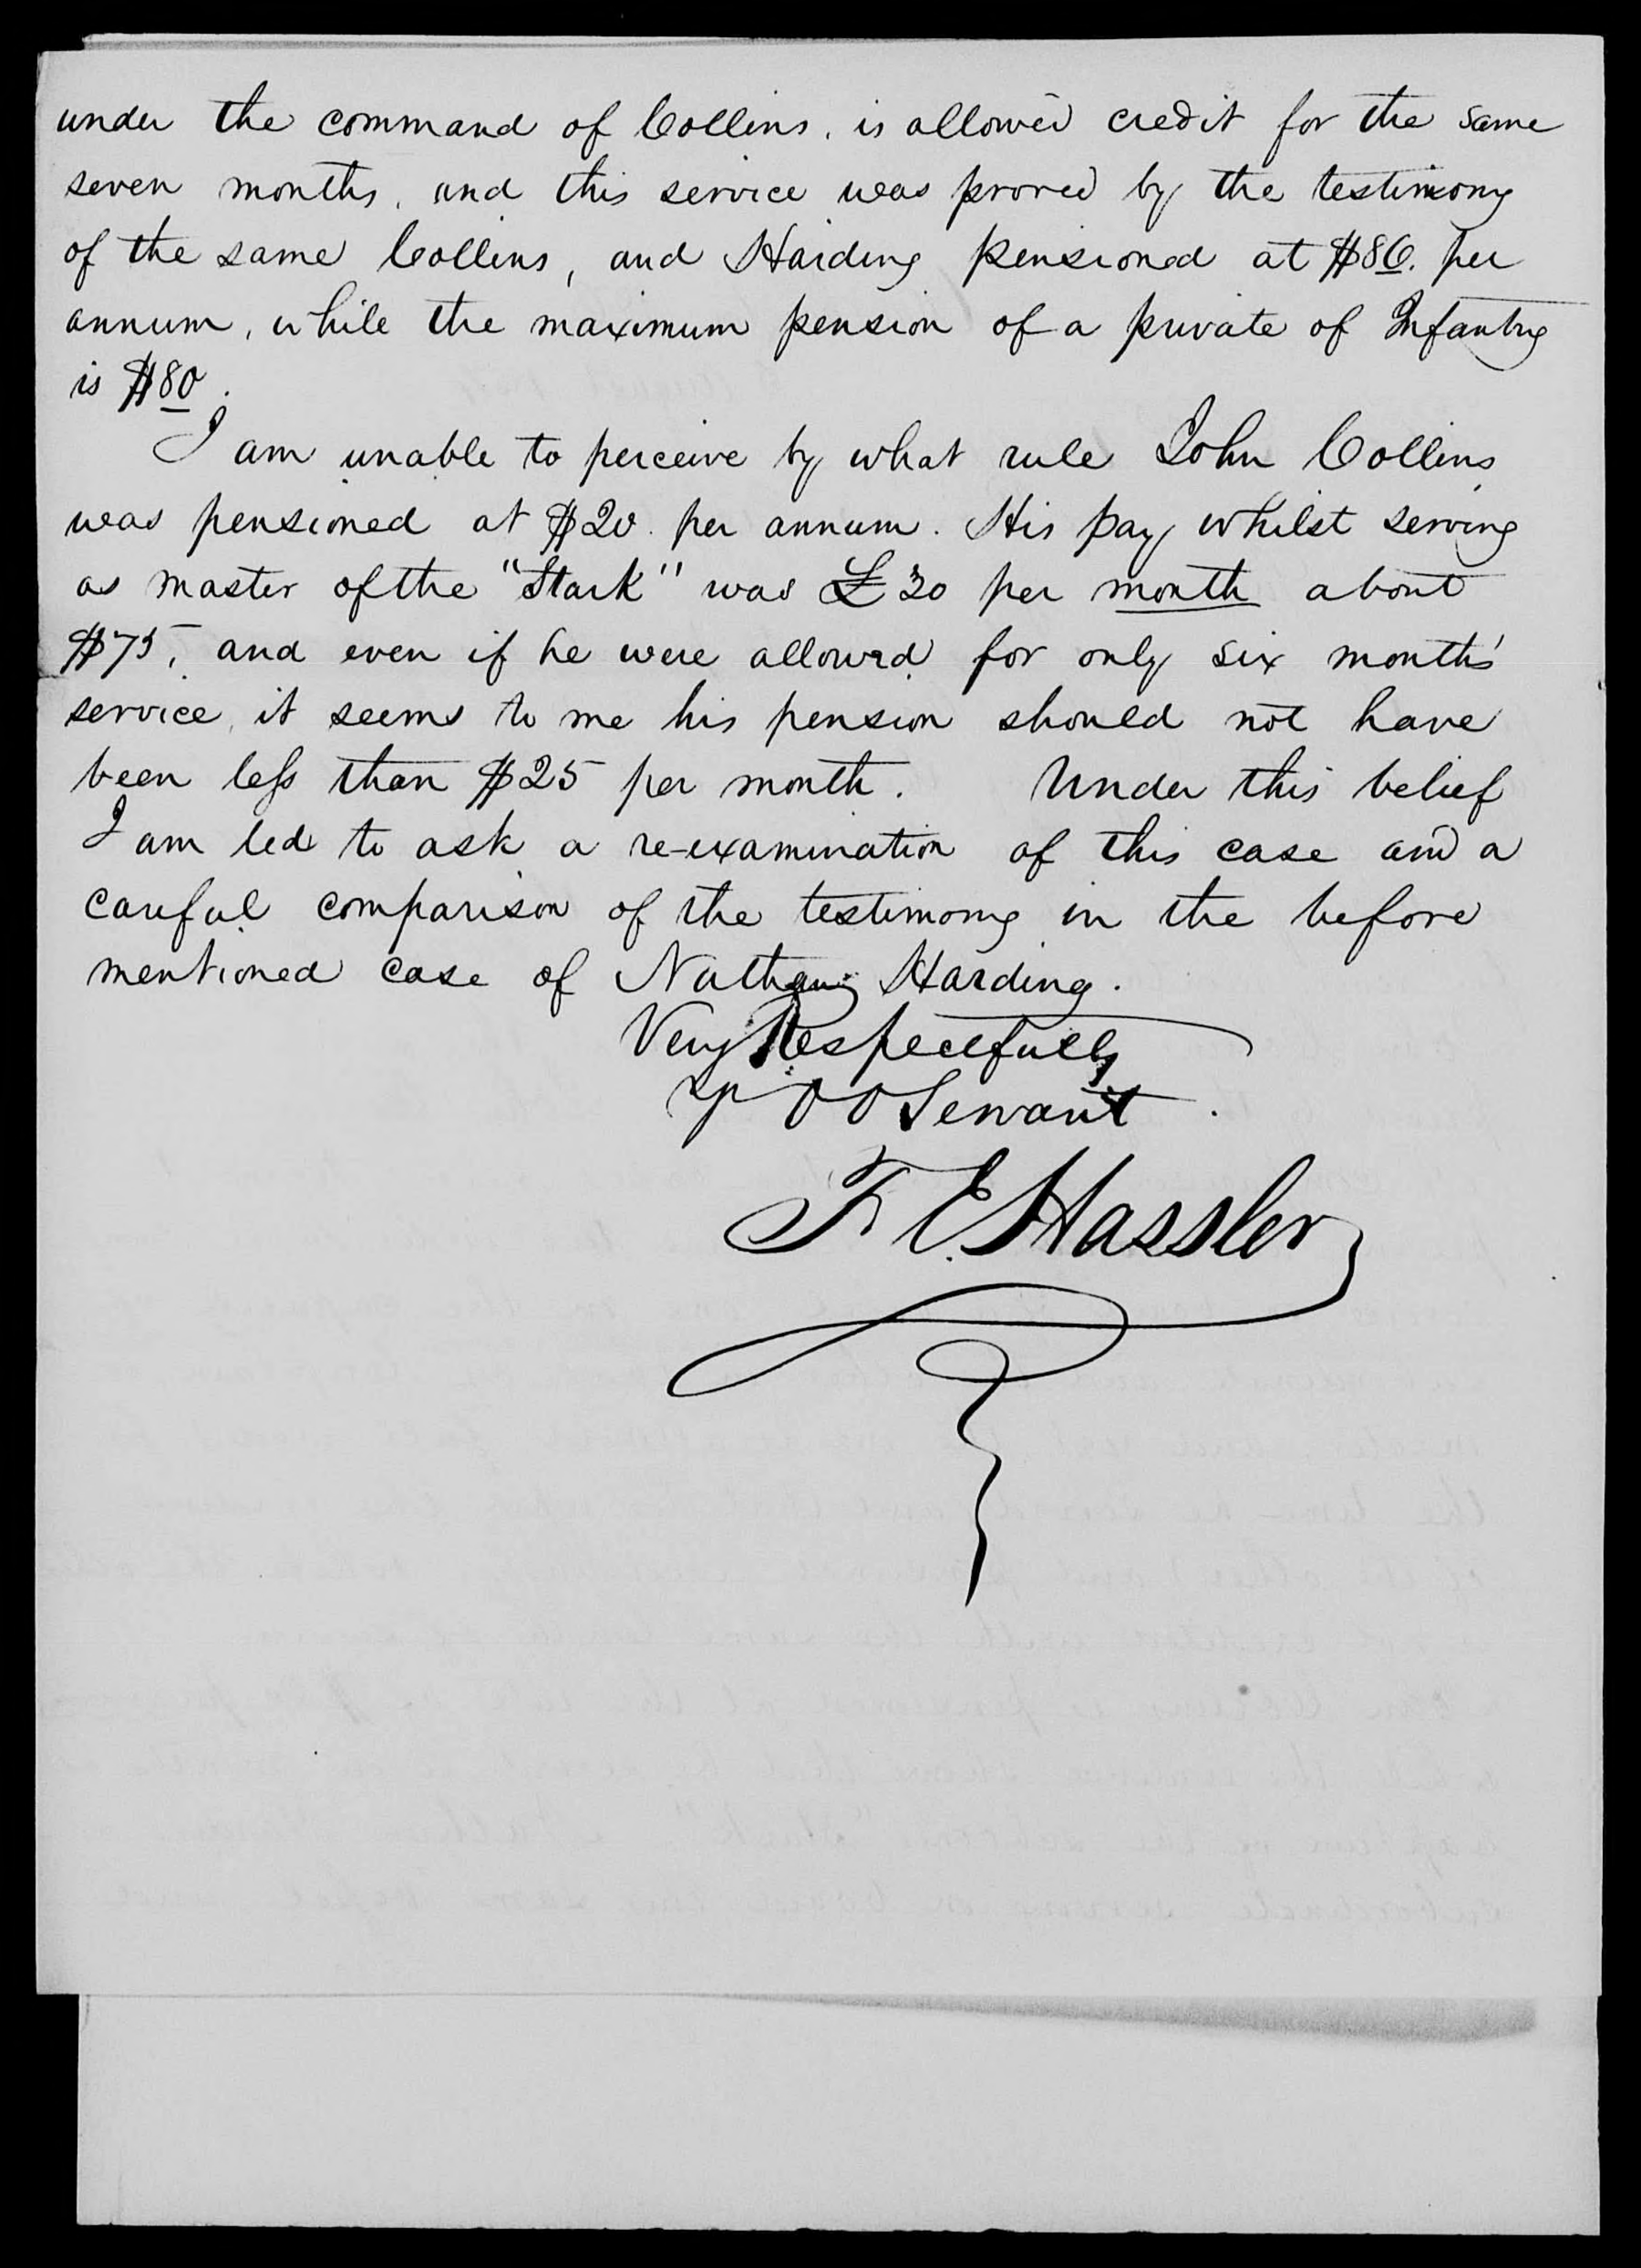under the command of Collins, is allowed credit for the same seven months, and this service was proved by the testimony of the same Collins, and Harding pensioned at $86 per annum, while the maximum pension of a private of Infantry is $80.

I am unable to perceive by what rule John Collins was pensioned at $20 per annum. His pay whilst serving as master of the "Stark" was £20 per month about $75, and even if he were allowed for only six months service, it seems to me his pension should not have been less than $25 per month. under this belief I am led to ask a reexamination of this case and a careful comparison of the testimony in the before mentioned case of Nathan Harding. 
Very Respectfully 
Yr Ob Servant

F.E. Hassler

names: Collins, John Collins, Harding, Nathan Harding, Collins, F E Hassler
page: 26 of 43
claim: survivor's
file: S. 29,732, John Collins, Mass. Navy